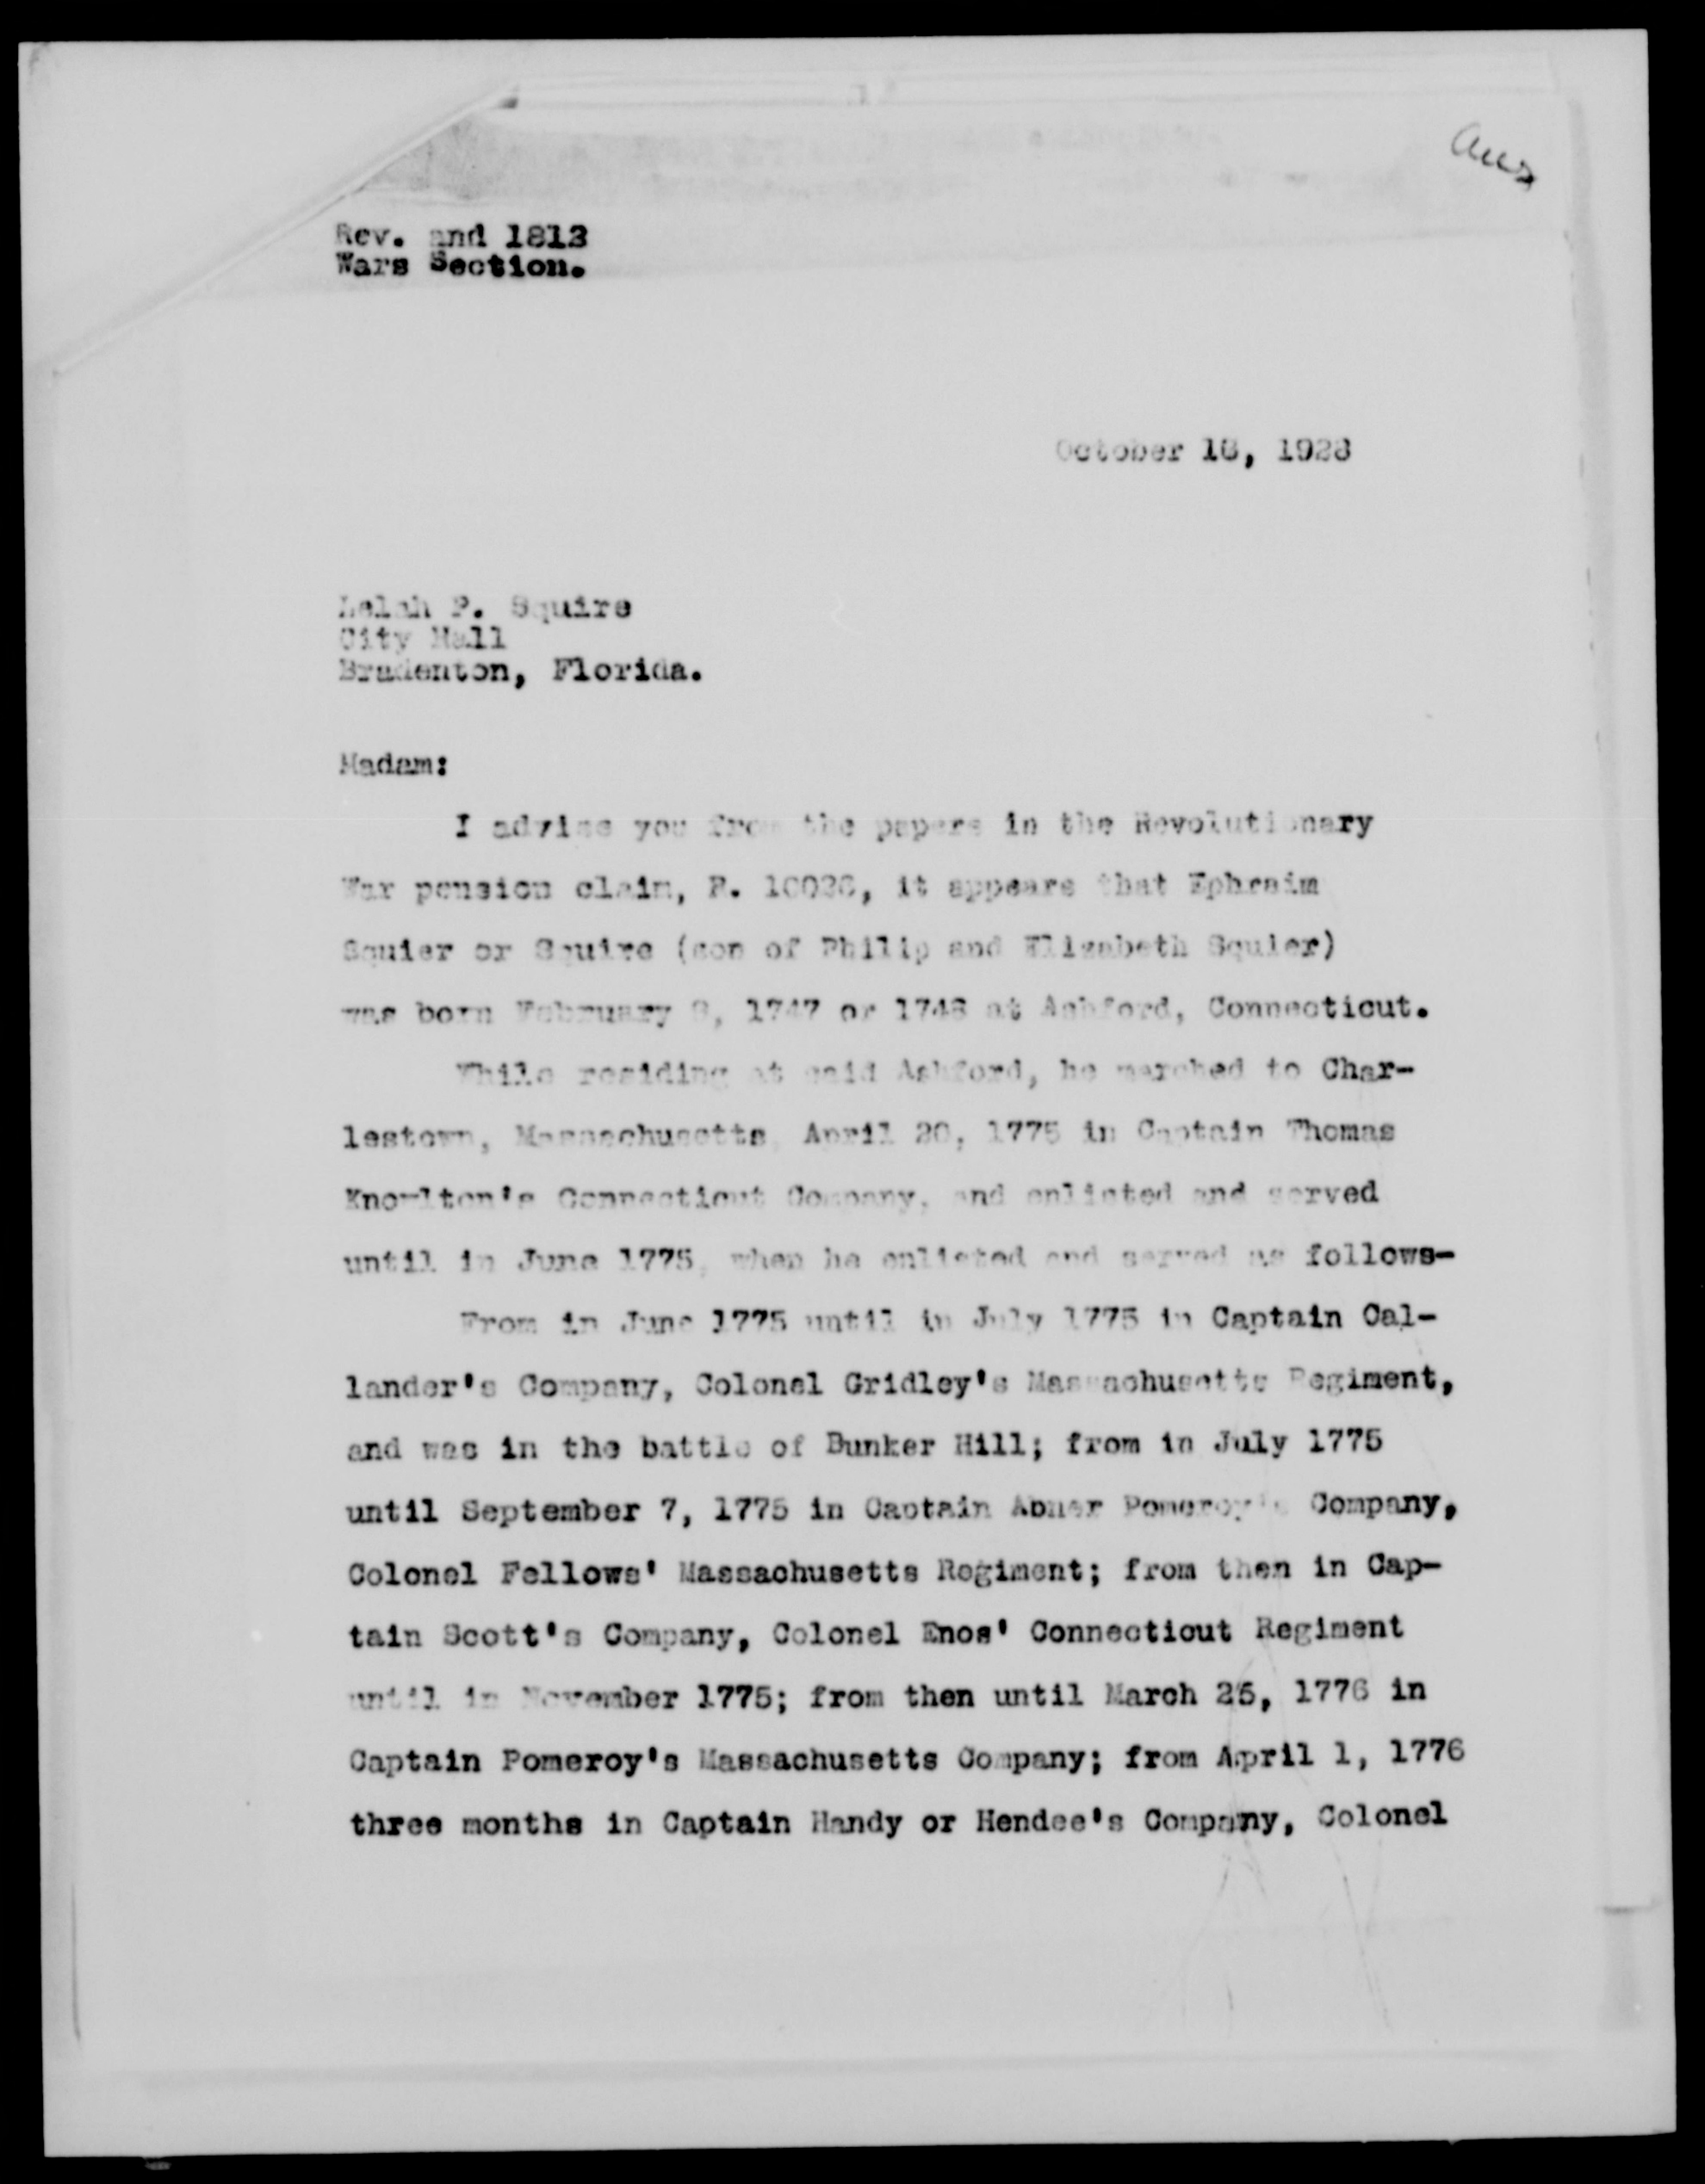Rev. and 1812 
War Section.

October 16, 1923

Lelah P. Squire
City Hall
Bradenton, Florida.

Madam:
 I advise you from the papers in the Revolutionary War pension claim, R. 10026, it appears that Ephraim Squier or Squire (son of Philip and Elizabeth Squier) was born February 8, 1747 or 1748 at Ashford, Connecticut.

While residing at said Ashford, he marched to Charlestown, Massachusetts, April 20, 1775 in Captain Thomas Knowlton's Connecticut Company and enlisted and served until in June 1775, when enlisted and served as follows-

From in June 1775 until in July 1775 in Captain Collander's Company, Colonel Gridley's Massachusetts Regiment, and was in the battle of Bunker Hill; from in July 1775 until September 7, 1775 in Captain Abner Pomeroy's Company, Colonel Fellows' Massachusetts Regiment; from then in Captain Scott's Company, Colonel Enos' Connecticut Regiment until in November 1775; from then until March 25, 1776 in Captain Pomeroy's Massachussetts Company; from April 1, 1776 three months in Captain Handy or Handee's Company, Colonel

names: Ephraim Squire; Ephraim Squier; Elizabeth Squier; Lelah P Squire; Philip Squier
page: 66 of 70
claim: rejected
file: R. 10,026, for Ephraim Squier, Connecticut